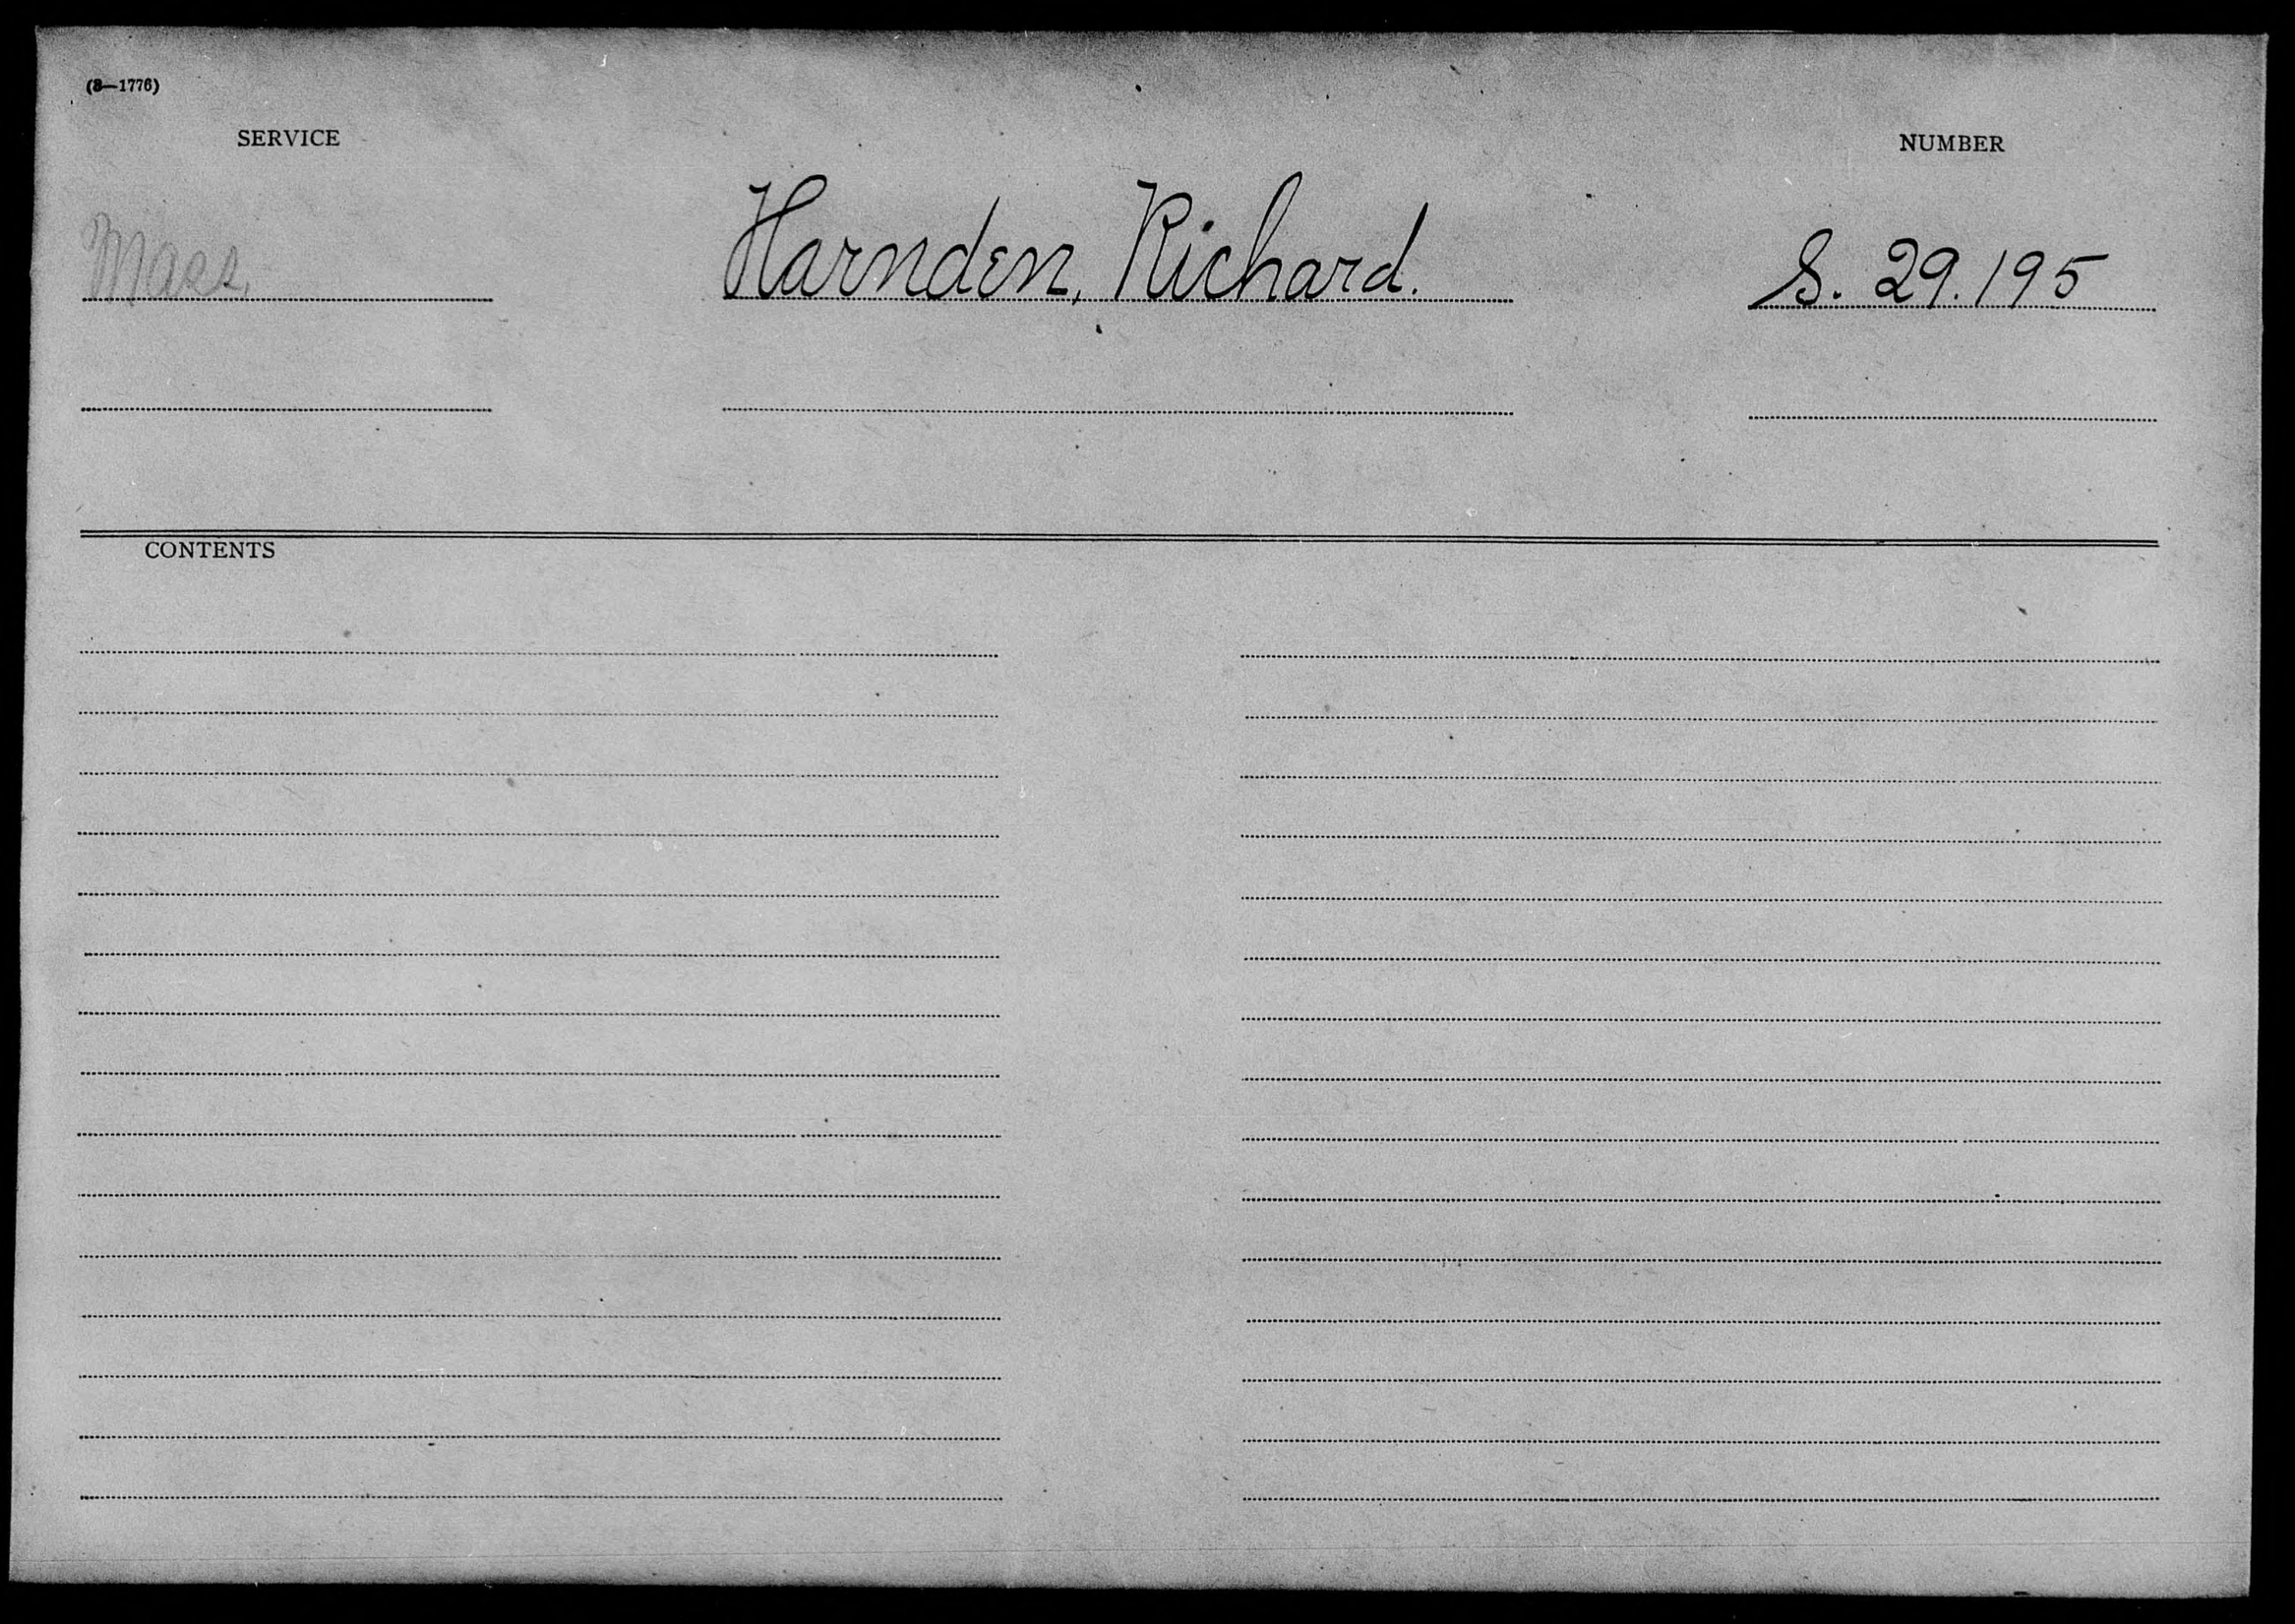Service. Number.
Mass. Harnden, Richard. S.29.195
Contents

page: 1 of 10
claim: survivor's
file: S. 29,195, Richard Harnden, Mass.